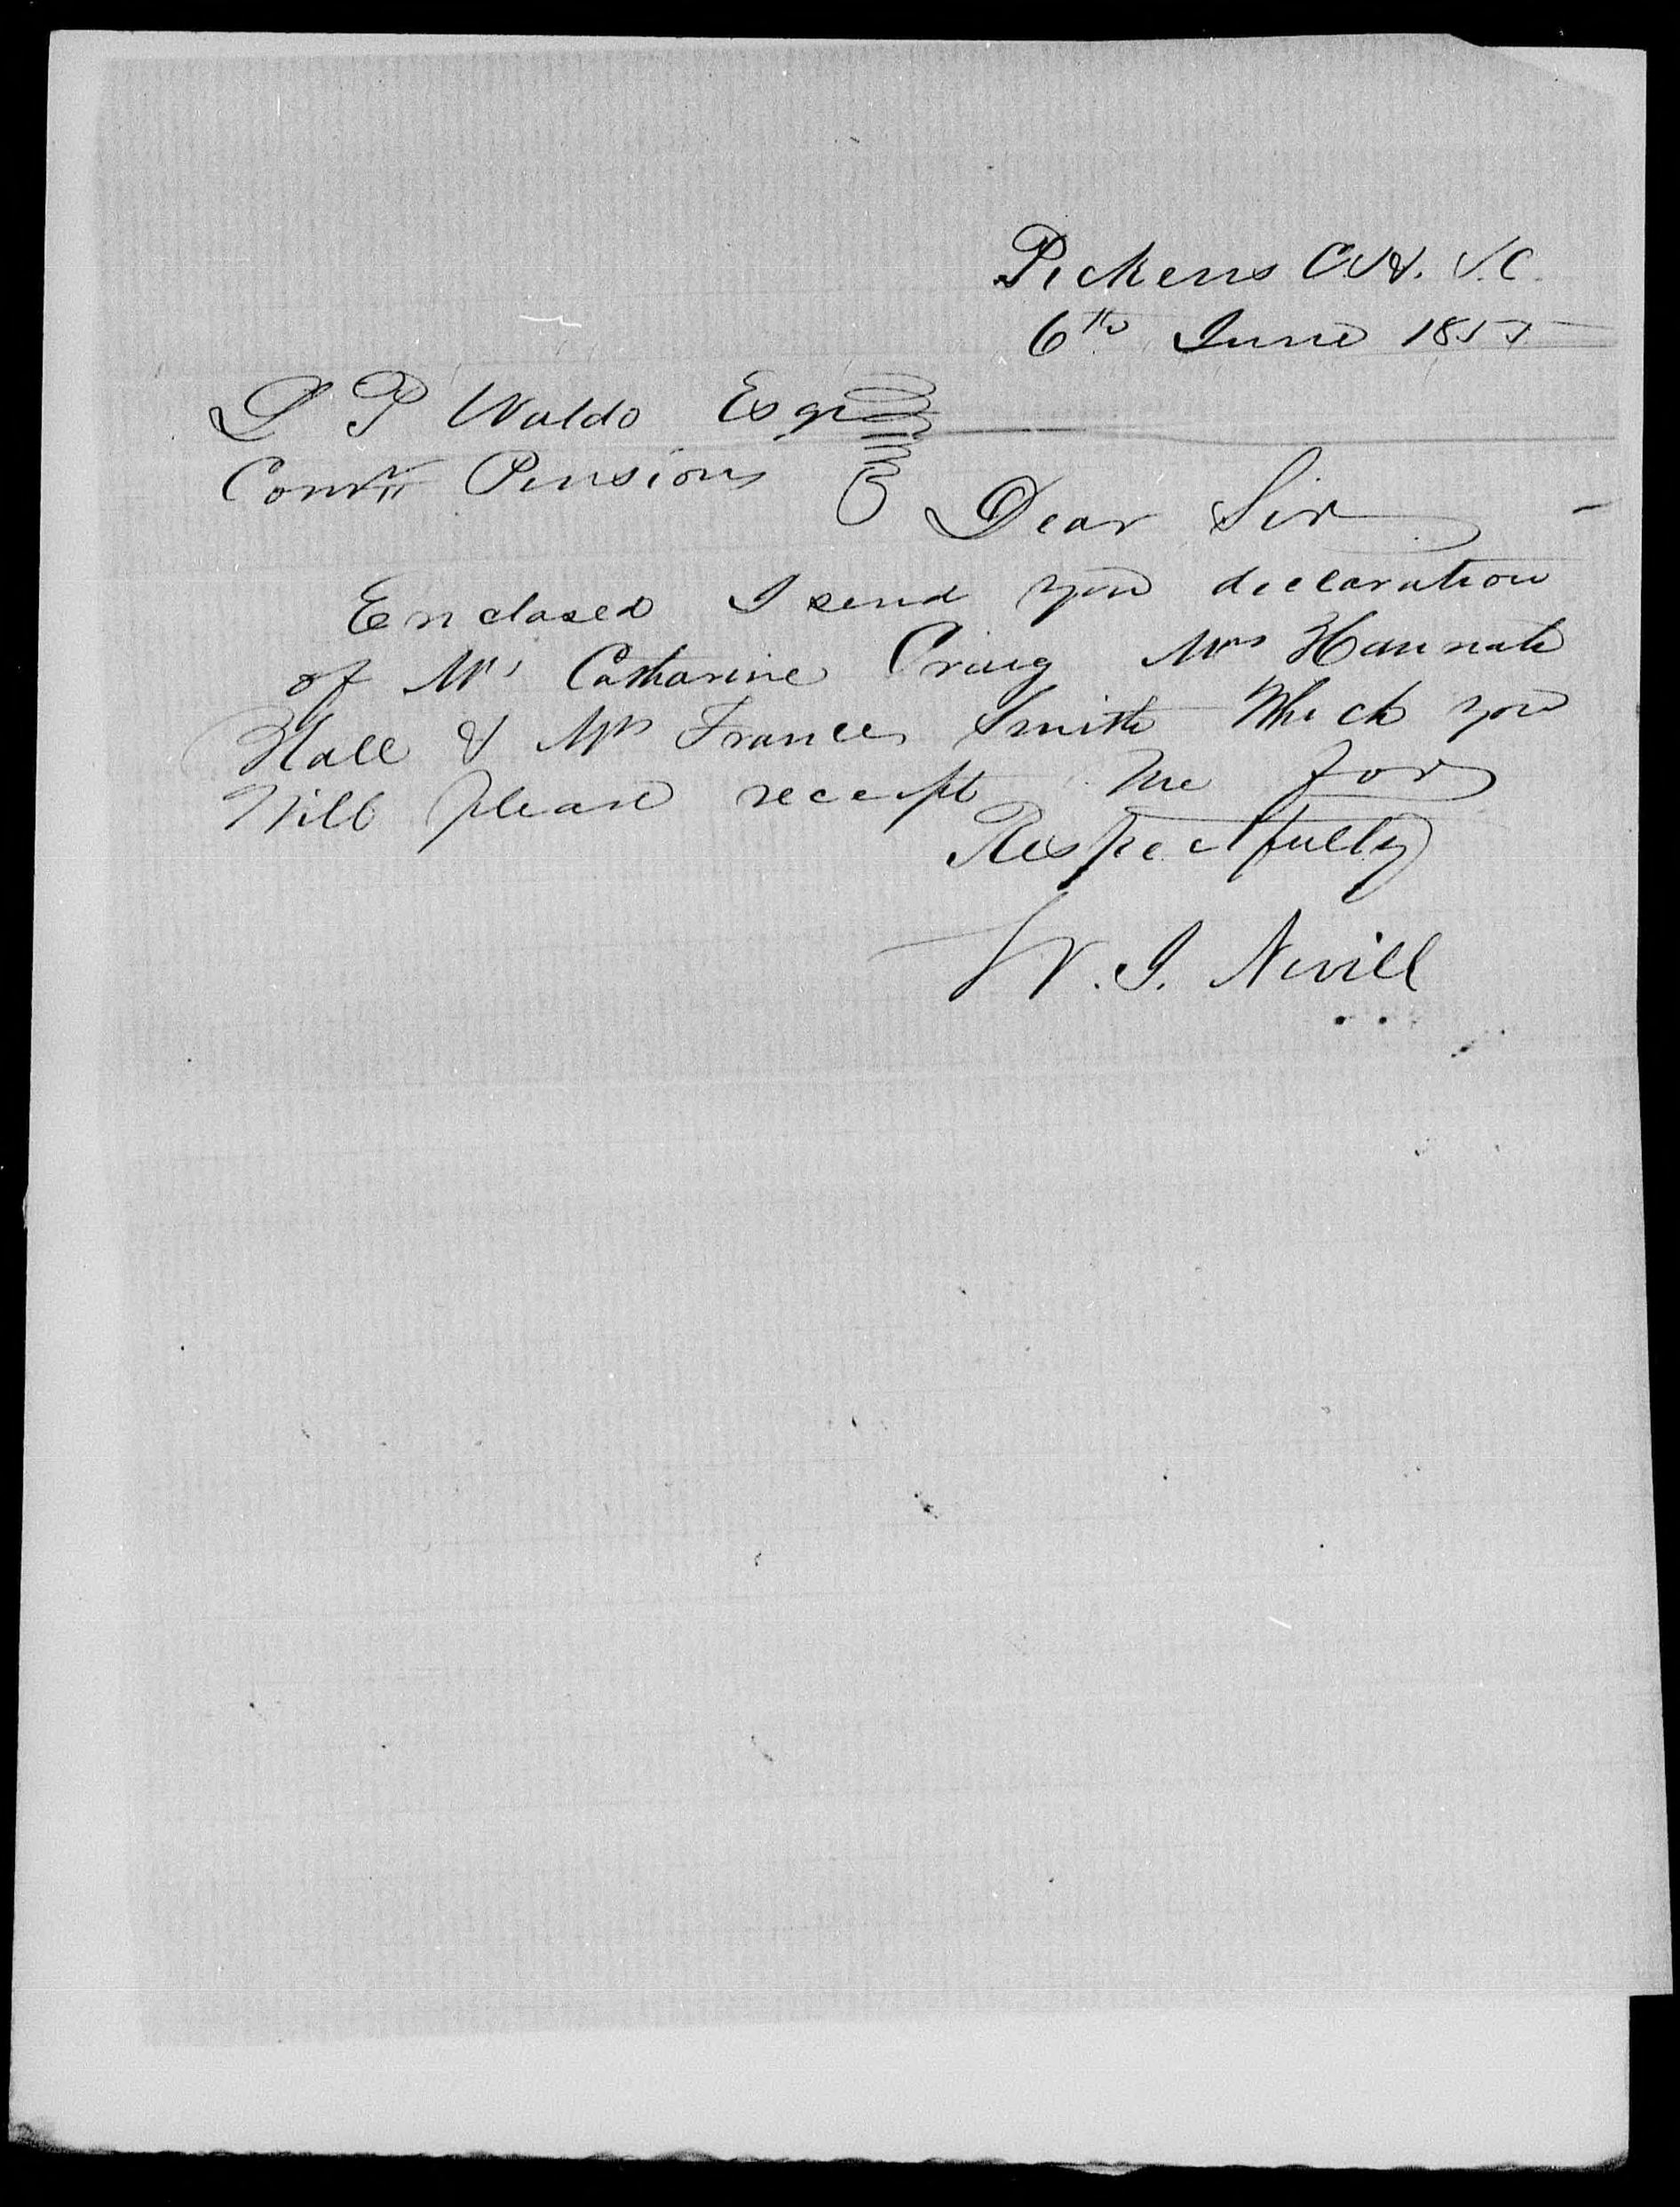Pickens C.H. S. C. 
6th June 1817

L. P. Waldo Esqr
Comr Pensions
Dear Sir
Enclosed I send you declaration of
Mrs Catharine Craig, Mrs Hannah Nall
& Mrs Frances Smith which you will
please receipt me for
Respectfully
W. I. Nevill
Pickens C.H.C.
6th June 1814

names: W J Nevill, L P Waldo, France Smith, Catharine Craig, Hannah Hall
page: 50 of 55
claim: widow's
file: W. 22864, John Craig, S.C. Born In Iceland